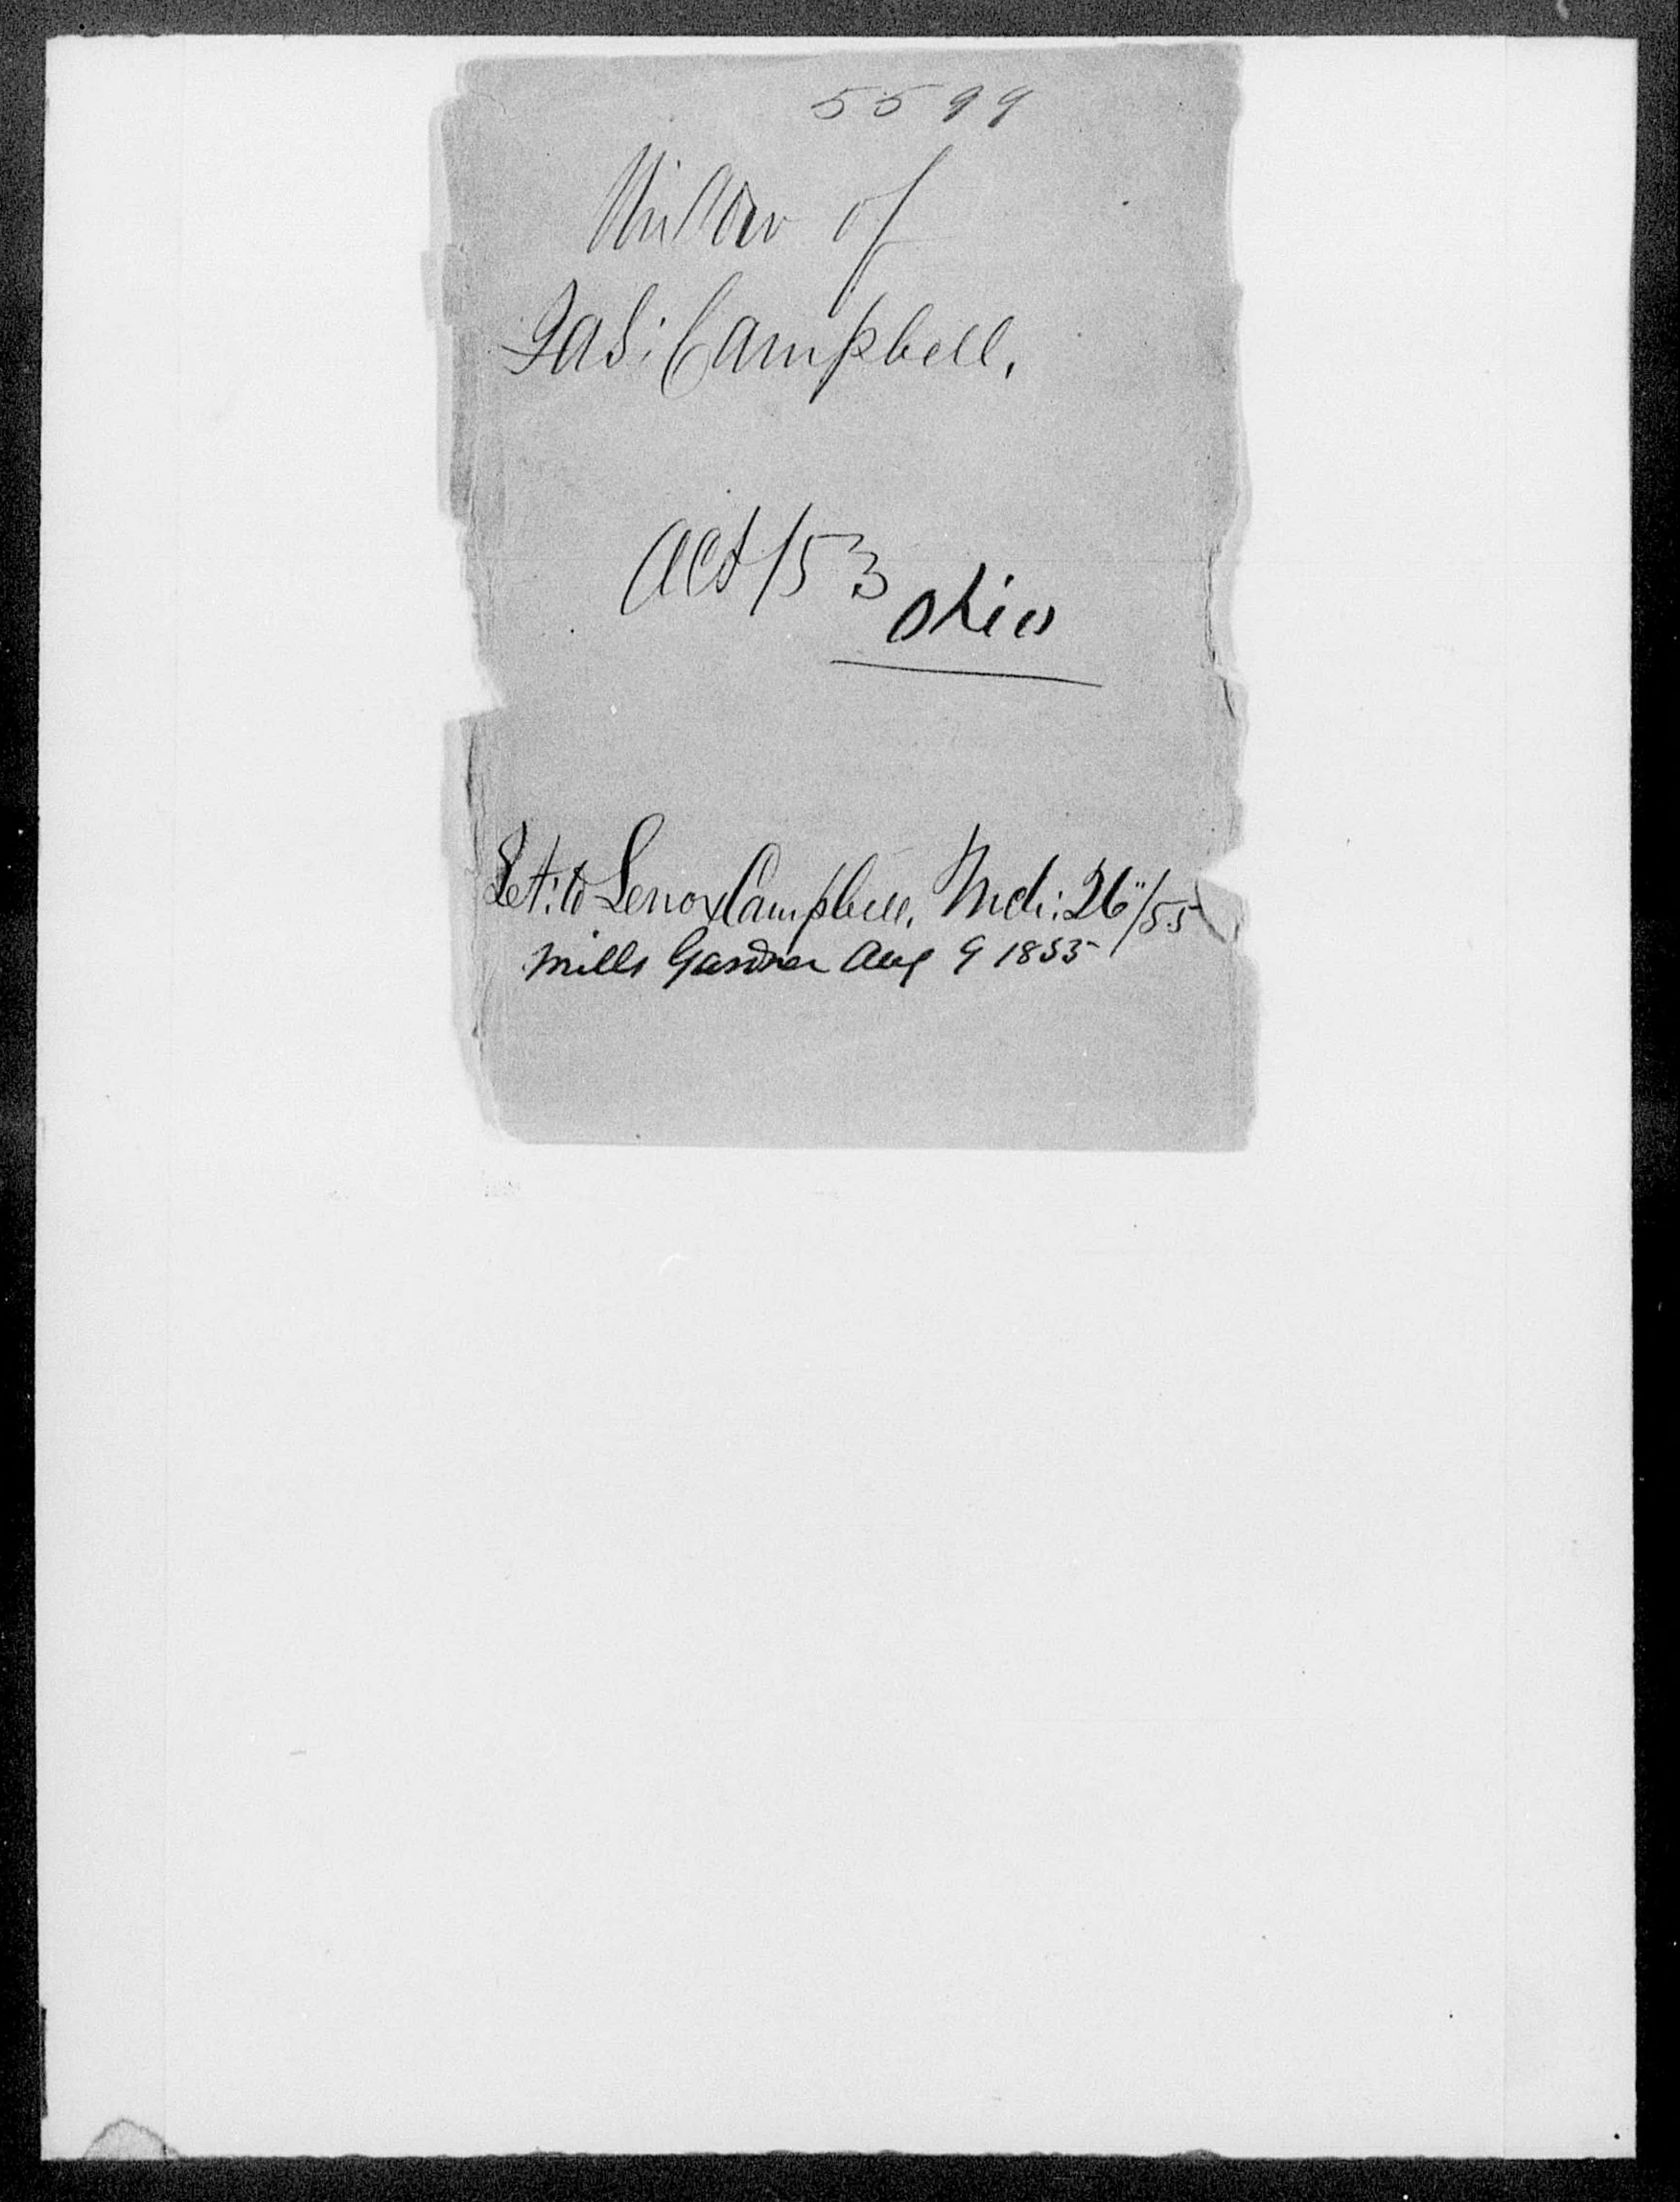5599
Widow of Jas; Campbell,
Act /53 OOhioo
Let: too Lenox Campbell, Wid: 26"/55
Mills Gardner Aug 9 1855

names: Lenox Campbell, Jas Campbell, Mills Gardner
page: 24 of 47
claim: widow's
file: W. 25384, James Campbell, Va.